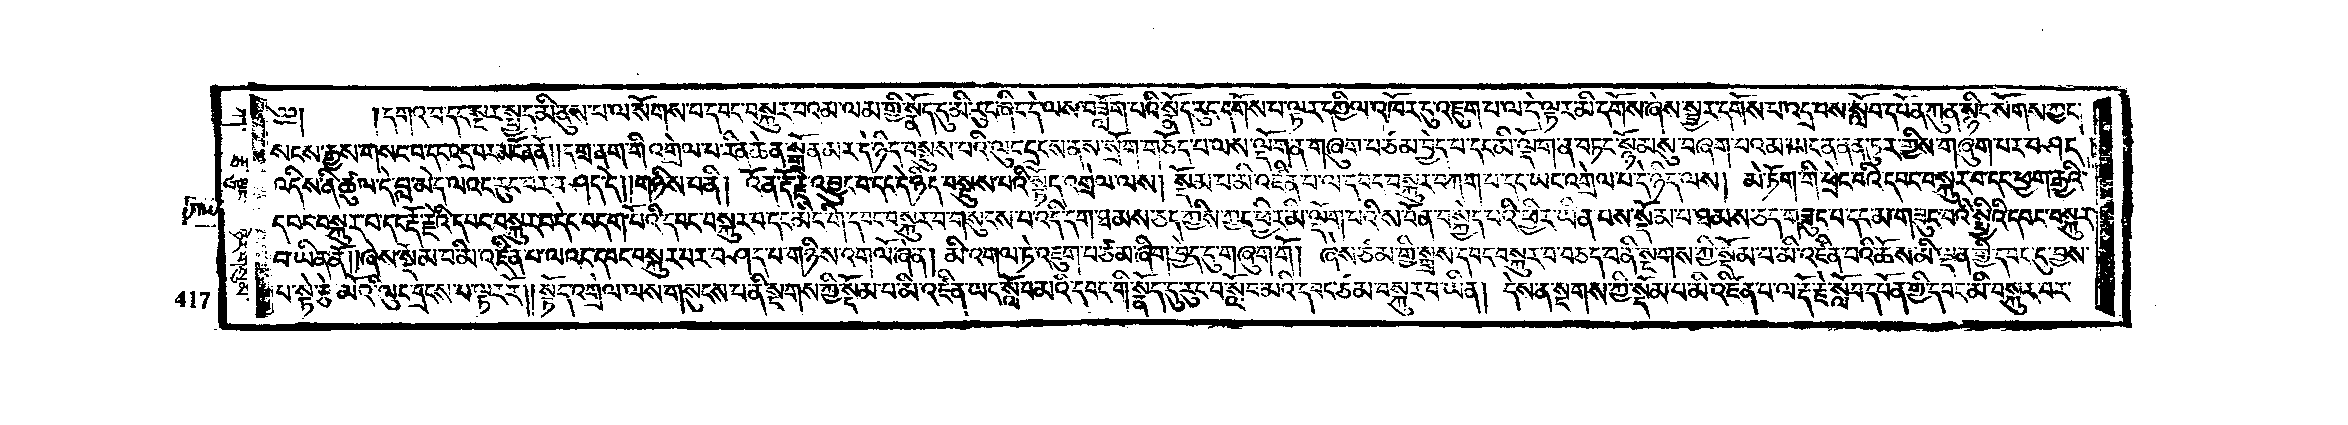༄༅། །དགའ་བ་དང་སྔར་སྤྱད་མི་ནུས་པ་ལ་སོགས་པ་དབང་བསྐུར་བའམ་ལམ་གྱི་སྣོད་དུ་མི་རུང་ཞིང་དེ་ལས་བཟློག་པའི་སྣོད་རུང་དགོས་པ་ལྟར་དཀྱིལ་འཁོར་དུ་འཇུག་པ་ལ་དེ་ལྟར་མི་དགོས་ཞེས་སྦྱར་དགོས་པ་འདྲ་བས་སློབ་དཔོན་ཀུན་སྙིང་སོགས་ཀྱང་།
སངས་རྒྱས་གསང་བ་དང་འདྲ་བར་མངོན་ནོ། །དགྲ་ནག་གི་འགྲེལ་པ་རིན་ཆེན་སྒྲོན་མར་དེ་ཉིད་བསྡུས་པའི་ལུང་དྲངས་ནས་སྲོག་གཅོད་པ་ལས་ལྡོག་ན་གཞུག་པ་ཙམ་བྱེད་པ་དང་མི་ལྡོག་ན་བཏང་སྙོམས་སུ་བཞག་པའམ་ཡང་ན་ནན་ཏུར་གྱིས་གཞུག་པར་བཤད་འདིས་ནི་ཚུལ་དེ་བླ་མེད་ལའང་རུང་བར་བཤད་དེ། །གཉིས་པ་ནི། འོ་ན་རྡོ་རྗེ་འབྱུང་བ་དང་དེ་ཉིད་བསྡུས་པའི་སྟོད་འགྲེལ་ལས། སྡོམ་པ་མི་འཛིན་པ་ལ་དབང་བསྐུར་བཀག་པ་དང་ཡང་འགྲེལ་པ་དེ་ཉིད་ལས། མེ་ཏོག་གི་ཕྲེང་བའི་དབང་བསྐུར་བ་དང་ཕྱག་རྒྱའི་
དབང་བསྐུར་བ་དང་རྡོ་རྗེའི་དབང་བསྐུར་བ་དེང་བདག་པོའི་དབང་བསྐུར་བ་དང་མིང་གི་དབང་བསྐུར་བ་གསུངས་པ་འདི་དག་ཐམས་ཅད་ཀྱིས་ཀྱང་ཕྱིར་མི་ལྡོག་པའི་ས་བོན་བསྐྱེད་པའི་ཕྱིར་ཡིན་པས་སྡོམ་པ་ཐམས་ཅད་གཟུང་བ་དང་མ་གཟུང་བའི་སྤྱིའི་དབང་བསྐུར་
བ་ཡིན་ནོ། །ཞེས་སྡོམ་པ་མི་འཛིན་པ་ལའང་དབང་བསྐུར་བར་བཤད་པ་གཉིས་འགལ་ལོ་ཞེ་ན། མི་འགལ་ཏེ་འཇུག་པ་ཙམ་ཞིག་བྱེད་དུ་གཞུག་གོ། ཞེས་ཙམ་གྱི་སྒྲས་དབང་བསྐུར་བ་བཅད་པ་ནི་སྔགས་ཀྱི་སྡོམ་པ་མི་འཛིན་པའི་ཆོས་མི་ལྡན་གྱི་དབང་དུ་བྱས་
པ་སྟེ་རྩེ་མོའི་ལུང་དྲངས་པ་ལྟར་རོ། །སྟོད་འགྲེལ་ལས་གསུངས་པ་ནི་སྔགས་ཀྱི་སྡོམ་པ་མི་འཛིན་ཡང་སློབ་མའི་དབང་གི་སྣོད་དུ་རུང་བ་སློབ་མའི་དབང་ཙམ་བསྐུར་བ་ཡིན། དེས་ན་སྔགས་ཀྱི་སྡོམ་པ་མི་འཛིན་པ་ལ་རྡོ་རྗེ་སློབ་དཔོན་གྱི་དབང་མི་བསྐུར་བར་